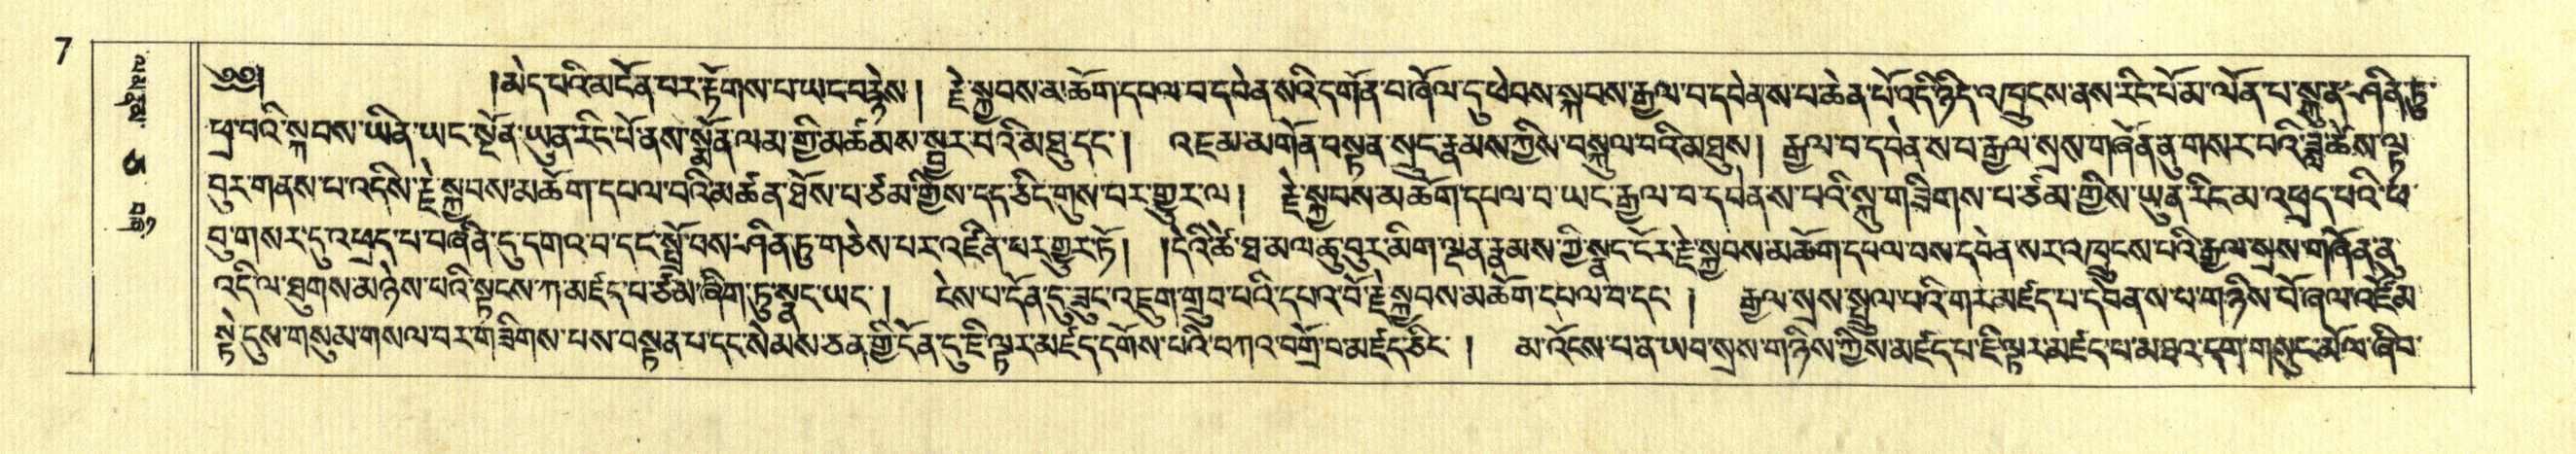༄༅། །མེད་པའི་མངོན་པར་རྟོགས་པ་ཡང་བརྙེས། རྗེ་སྐྱབས་མཆོག་དཔལ་བ་དབེན་སའི་དགོན་བ་ཞོལ་དུ་ཕེབས་སྐབས་རྒྱལ་བ་དབེན་ས་པ་ཆེན་པོ་འདི་ཉིད་འཁྲུངས་ནས་རིང་པོ་མ་ལོན་པ་སྐུ་ན་ཤིན་ཏུ་
ཕྲ་བའི་སྐབས་ཡིན་ཡང་སྔོན་ཡུན་རིང་པོ་ནས་སྨོན་ལམ་གྱི་མཚམས་སྦྱར་བའི་མཐུ་དང་། འཇམ་མགོན་བསྟན་སྲུང་རྣམས་ཀྱིས་བསྐུལ་བའི་མཐུས། རྒྱལ་བ་དབེན་ས་བ་རྒྱལ་སྲས་གཞོན་ནུ་གསར་བའི་ཟླ་ཚེས་ལྟ་
བུར་གནས་པ་འདིས་རྗེ་སྐྱབས་མཆོག་དཔལ་བའི་མཚན་ཐོས་པ་ཙམ་གྱིས་དད་ཅིང་གུས་པར་གྱུར་ལ། རྗེ་སྐྱབས་མཆོག་དཔལ་བ་ཡང་རྒྱལ་བ་དབེན་ས་པའི་སྐུ་གཟིགས་པ་ཙམ་གྱིས་ཡུན་རིང་མ་འཕྲད་པའི་ཕ་
བུ་གསར་དུ་འཕྲད་པ་བཞིན་དུ་དགའ་བ་དང་སྤྲོ་བས་ཤིན་ཏུ་གཅེས་པར་འཛིན་པར་གྱུར་ཏོ། །དེའི་ཚེ་ཐ་མལ་ཆུ་བུར་མིག་ལྡན་རྣམས་ཀྱི་སྣང་ངོར་རྗེ་སྐྱབས་མཆོག་དཔལ་བས་དབེན་སར་འཁྲུངས་པའི་རྒྱལ་སྲས་གཞོན་ནུ་
འདི་ལ་ཐུགས་མཉེས་པའི་སྟངས་ཀ་མཛད་པ་ཙམ་ཞིག་ཏུ་སྣང་ཡང་། ངེས་པ་དོན་དུ་ཟུང་འཇུག་གྲུབ་པའི་དཔའ་བོ་རྗེ་སྐྱབས་མཆོག་དཔལ་བ་དང་། རྒྱས་སྲས་སྤྲུལ་པའི་གར་མཛད་པ་དབེན་ས་པ་གཉིས་པོ་ཞལ་འཛོམ་
སྟེ་དུས་གསུམ་གསལ་བར་གཟིགས་པས་བསྟན་པ་དང་སེམས་ཅན་གྱི་དོན་དུ་ཇི་ལྟར་མཛད་དགོས་པའི་བཀའ་བགྲོ་བ་མཛད་ཅིང་། མ་འོངས་པ་ན་ཡབ་སྲས་གཉིས་ཀྱིས་མཛད་པ་ཇི་ལྟར་མཛད་པ་མཐའ་དག་གསུང་མོལ་ཞིབ་